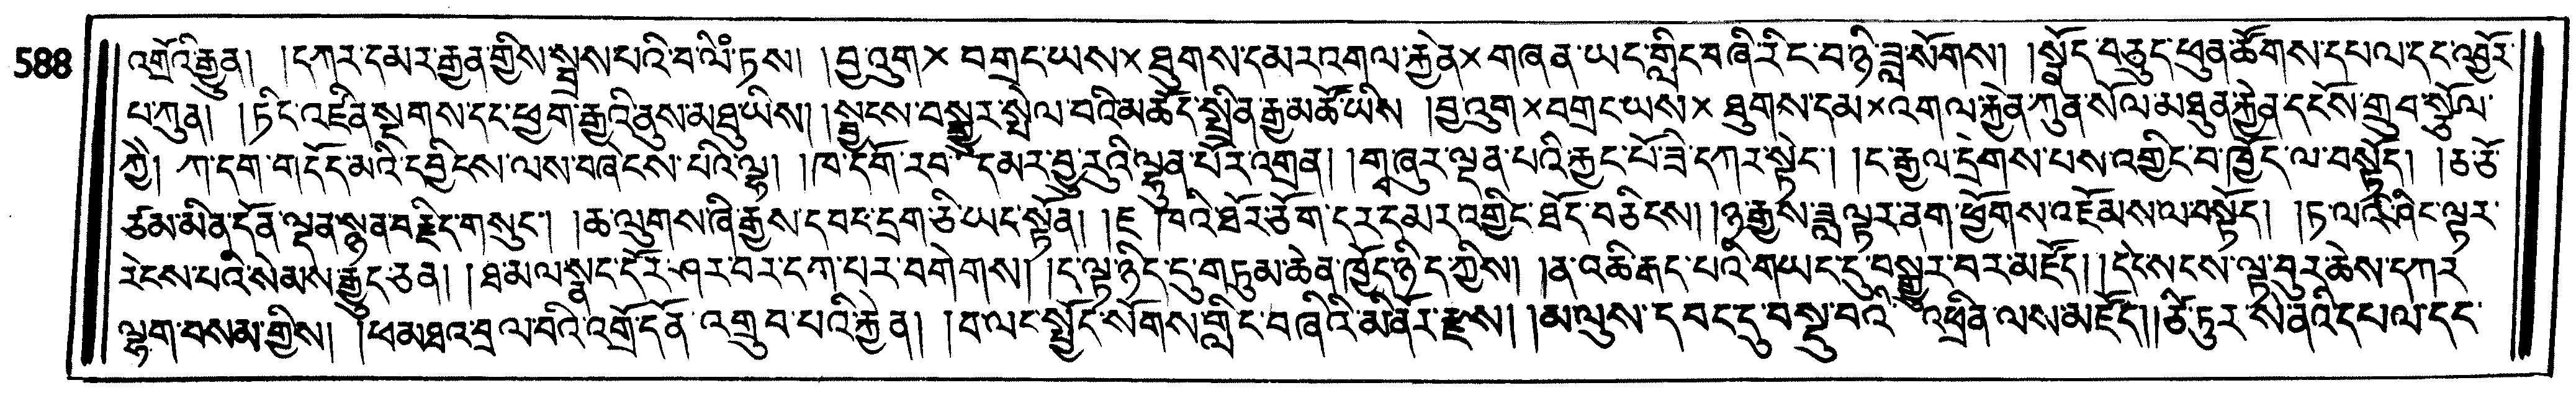འགྲོའི་རྒྱུན། །དཀར་དམར་རྒྱན་གྱིས་སྦྲས་པའི་བ་ལིཾ་ཏས། །བྱ་འུག་྾་བགྲང་ཡས་྾་ཐུགས་དམར་འགལ་རྐྱེན་྾་གཞན་ཡང་གླིང་བཞི་རིང་བ་ཉི་ཟླ་སོགས། །སྣོད་བཅུད་ཕུན་ཚོགས་དཔལ་དང་འབྱོར་
པ་ཀུན། །ཏིང་འཛིན་སྔགས་དང་ཕྱག་རྒྱའི་ནུས་མཐུ་ཡིས། །སྦྱངས་བསྒྱུར་སྤེལ་བའི་མཆོད་སྤྲིན་རྒྱ་མཚོ་ཡིས། །བྱ་འུག་྾་བགྲང་ཡས་྾་ཐུགས་དམ་྾་འགལ་རྐྱེན་ཀུན་སོལ་མཐུན་རྐྱེན་དངོས་གྲུབ་སྩོལ་
ཀྱཻ། ཀ་དག་གདོད་མའི་དབྱིངས་ལས་བཞེངས་པའི་ལྷ། །ཁ་དོག་རབ་་་དམར་བྱུ་རུའི་ལྷུན་པོར་འགྲན། །གྭ་ཞུར་ལྡན་པའི་རྐྱང་པོ་ཟེ་དཀར་སྟེང་། །ང་རྒྱལ་དྲེགས་པས་འགྱིང་བ་ཁྱོད་ལ་བསྟོད། །ཅ་ཅོ་
ཙམ་མིན་དོན་ལྡན་སྙན་བརྗིད་གསུང་། །ཆ་ལུགས་ཞི་རྒྱས་དབང་དྲག་ཅི་ཡང་སྟོན། །ཇ་ཁའི་ཐོར་ཅོག་དར་དམར་འགྱིང་ཐོད་བཅིངས། །ཉ་རྒྱས་ཟླ་ལྟར་ནག་ཕྱོགས་འཇོམས་ལ་བསྟོད། །ཏ་ལའི་ཤིང་ལྟར་
རེངས་པའི་སེམས་རྒྱུད་ཅན། །ཐ་མལ་སྣང་དོར་ཤར་བར་དག་པར་བགེགས། །ད་ལྟ་ཉིད་དུ་གཏུམ་ཆེན་ཁྱོད་ཉིད་ཀྱིས། །ན་འཆི་རྒད་པའི་གཡང་དུ་བསྒྱུར་བར་མཛོད། །དེང་སངས་ལྟ་བུར་ཆེས་དཀར་
ལྷག་བསམ་གྱིས། །ཕ་མཐའ་བྲལ་བའི་འགྲོ་དོན་འགྲུབ་པའི་རྐྱེན། །བ་ལང་སྤྱོད་སོགས་གླིང་བཞིའི་མི་ནོར་རྫས། །མ་ལུས་དབང་དུ་བསྡུ་བའི་འཕྲིན་ལས་མཛོད། །ཙི་ཏུར་སེ་ནའི་དཔལ་དང་